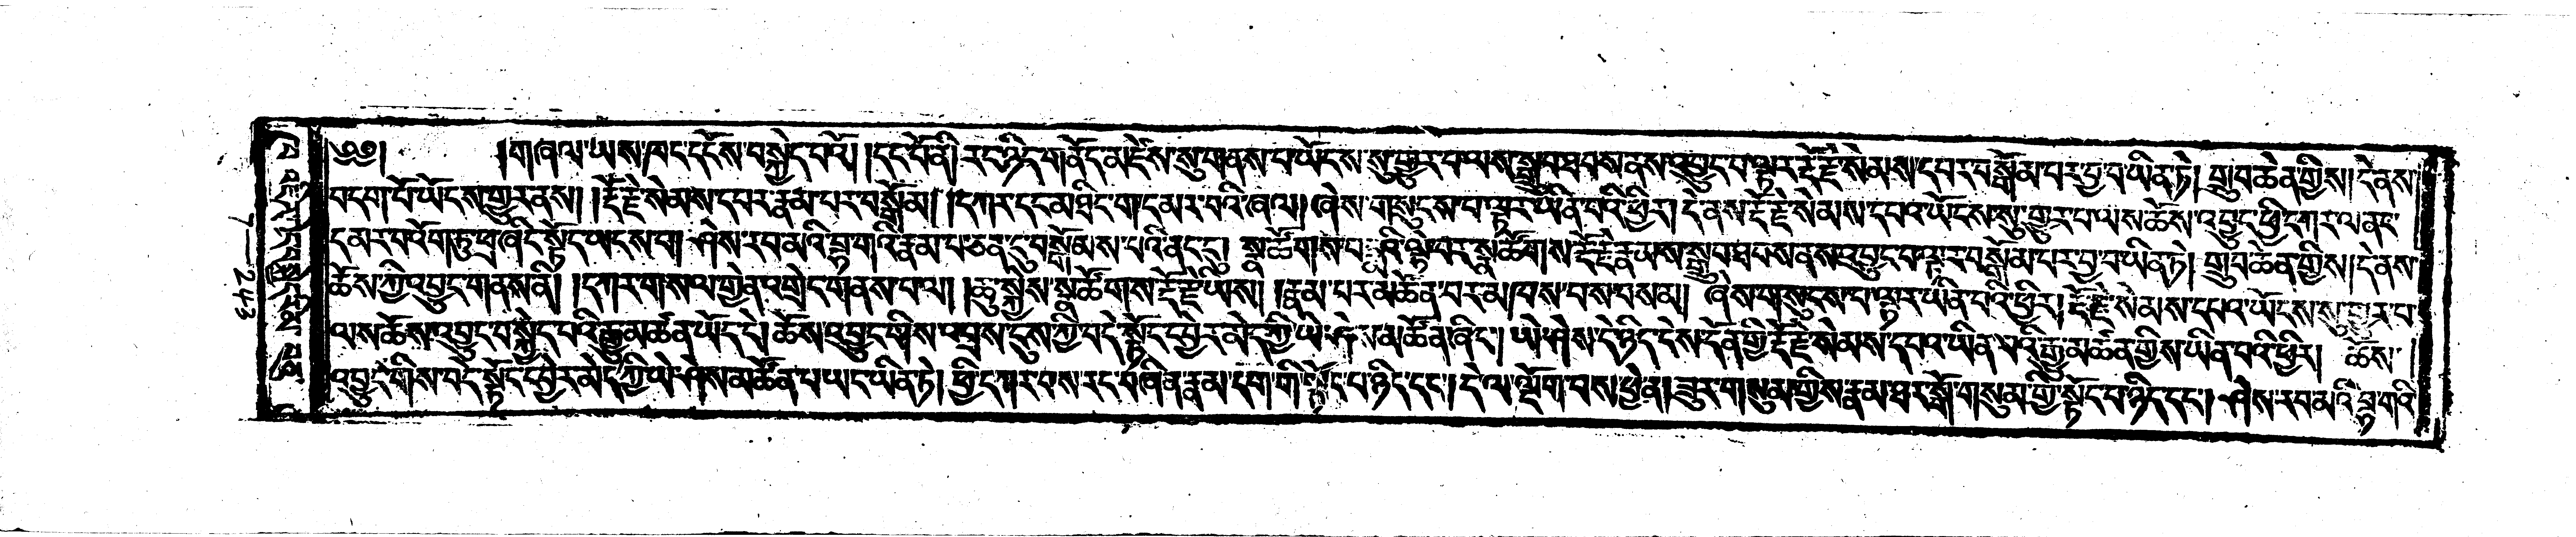༄༅། །གཞལ་ཡས་ཁང་དངོས་བསྐྱེད་པའོ། །དང་པོ་ནི། རང་ཉིད་གནོད་མཛེས་སུ་གནས་པ་ཡོངས་སུ་གྱུར་པ་ལས་སྒྲུབ་ཐབས་ནས་འབྱུང་བ་ལྟར་རྡོ་རྗེ་སེམས་དཔར་བསྒོམ་པར་བྱ་བ་ཡིན་ཏེ། གྲུབ་ཆེན་གྱིས། དེ་ནས་
བདག་པོ་ཡོངས་གྱུར་ནས། །རྡོ་རྗེ་སེམས་དཔར་རྣམ་པར་བསྒོམ། །དཀར་དང་མཐིང་ག་དམར་བའི་ཞལ། ཞེས་གསུངས་པ་ལྟར་ཡིན་པའི་ཕྱིར། དེ་ནས་རྡོ་རྗེ་སེམས་དཔའ་ཡོངས་སུ་གྱུར་བ་ལས་ཆོས་འབྱུང་ཕྱི་དཀར་ལ་ནང་
དམར་བ་འོག་ཏུ་ཕྲ་ཞིང་སྟོད་ཡངས་པ། ཤེས་རབ་མའི་བྷ་གའི་རྣམ་པ་ཅན་དུ་བསྒོམས་པའི་ནང་དུ། སྣ་ཚོགས་པདམའི་ལྟེ་བར་སྣ་ཚོགས་རྡོ་རྗེ་རྣམས་སྒྲུབ་ཐབས་ནས་འབྱུང་བ་ལྟར་བསྒོམ་པར་བྱ་བ་ཡིན་ཏེ། གྲུབ་ཆེན་གྱིས། དེ་ནས་
ཆོས་ཀྱི་འབྱུང་གནས་ནི། །དཀར་གསལ་གྱེན་འགྲེང་གནས་པ་ལ། །ཆུ་སྐྱེས་སྣ་ཚོགས་རྡོ་རྗེ་ཡིས། །རྣམ་པར་མཚོན་པར་མཁས་པས་བསམ། ཞེས་གསུངས་པ་ལྟར་ཡིན་པའི་ཕྱིར། རྡོ་རྗེ་སེམས་དཔའ་ཡོངས་སུ་གྱུར་པ་
ལས་ཆོས་འབྱུང་བསྐྱེད་པའི་རྒྱུ་མཚན་ཡོད་དེ། ཆོས་འབྱུང་གིས་འབྲས་དུས་ཀྱི་བདེ་སྟོང་དབྱེར་མེད་ཀྱི་ཡེ་ཤེས་མཚོན་ཞིང་། ཡེ་ཤེས་དེ་ཉིད་ངེས་དོན་གྱི་རྡོ་རྗེ་སེམས་དཔའ་ཡིན་པའི་རྒྱུ་མཚན་གྱིས་ཡིན་པའི་ཕྱིར། ཆོས་
འབྱུང་གིས་བདེ་སྟོང་དབྱེར་མེད་ཀྱི་ཡེ་ཤེས་མཚོན་པ་ཡང་ཡིན་ཏེ། ཕྱི་དཀར་བས་རང་བཞིན་རྣམ་དག་གི་སྟོང་པ་ཉིད་དང་། དེ་ལ་ལྡོག་པས་ཕྱེ་ན། ཟུར་གསུམ་གྱིས་རྣམ་ཐར་སྒོ་གསུམ་གྱི་སྟོང་པ་ཉིད་དང་། ཤེས་རབ་མའི་བྷ་གའི་